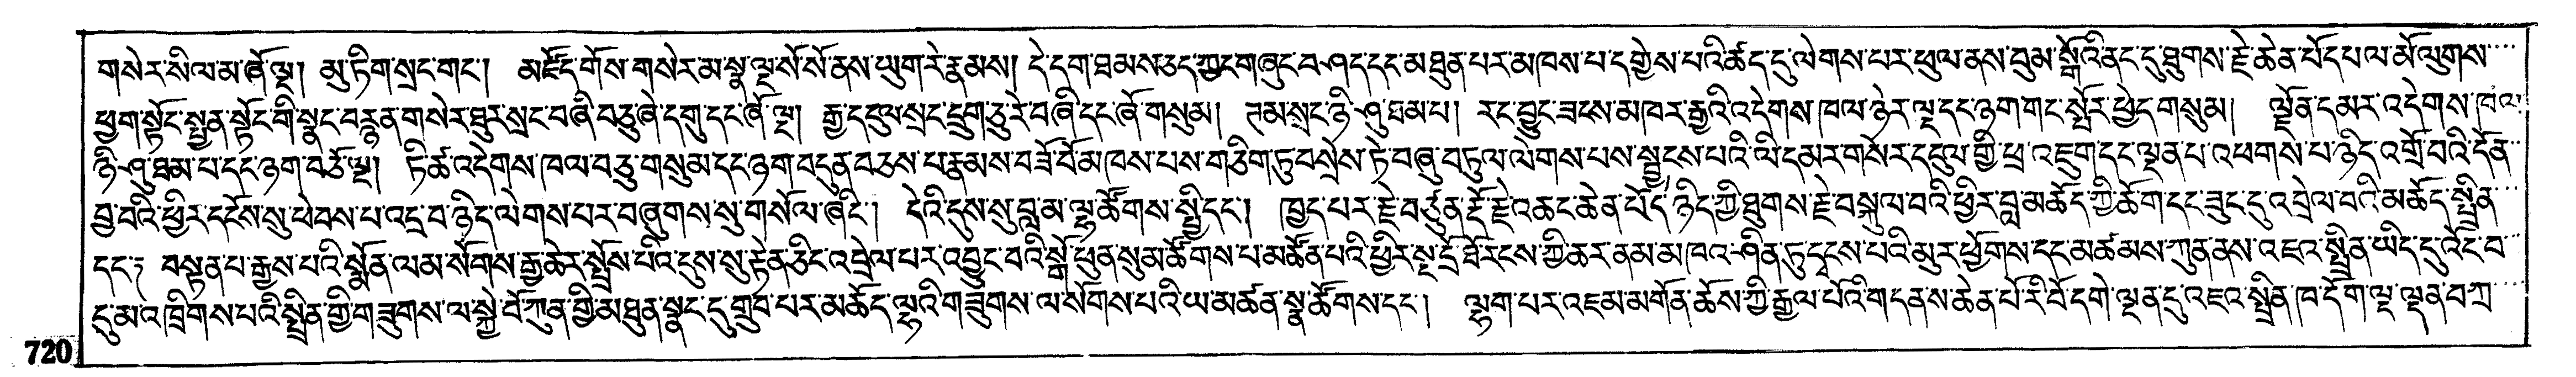གསེར་སིལ་མ་ཞོ་ལྔ། མུ་ཏིག་སྲང་གང་། མཛོད་གོས་གསེར་མ་སྣ་ལྔ་སོ་སོ་ནས་ཡུག་རེ་རྣམས། དེ་དག་ཐམས་ཅད་ཀྱང་གཞུང་བཤད་དང་མཐུན་པར་མཁས་པ་དགྱེས་པའི་ཚད་དུ་ལེགས་པར་ཕུལ་ནས་བུམ་སྒོའི་ནང་དུ་ཐུགས་རྗེ་ཆེན་པོ་དཔལ་མོ་ལུགས་
ཕྱག་སྟོང་སྤྱན་སྟོང་གི་སྣང་བརྙན་གསེར་ཐུར་སྲང་བཞི་བཅུ་ཞེ་དགུ་དང་ཞོ་ལྔ། རྒྱ་དངུལ་སྲང་དྲུག་ཅུ་རེ་བཞི་དང་ཞོ་གསུམ། ཊམ་སྲང་ཉི་ཤུ་ཐམ་པ། རང་བྱུང་ཟངས་མཁར་རྒྱའི་འདེགས་ཁལ་ཉེར་ལྔ་དང་ཉག་གང་སྤོར་ཕྱེད་གསུམ། ལྗོན་དམར་འདེགས་ཁལ་
ཉི་ཤུ་ཐམ་པ་དང་ཉག་བཅོ་ལྔ། ཏི་ཚ་འདེགས་ཁལ་བཅུ་གསུམ་དང་ཉག་བདུན་བཅས་པ་རྣམས་བཟོ་བོ་མཁས་པས་གཅིག་ཏུ་བསྲེས་ཏེ་བཞུ་བཏུལ་ལེགས་པས་སྦྱངས་པའི་ལི་དམར་གསེར་དངུལ་གྱི་ཕྲ་འཇུག་དང་ལྡན་པ་འཕགས་པ་ཉིད་འགྲོ་བའི་དོན་
བྱ་བའི་ཕྱིར་དངོས་སུ་ཕེབས་པ་འདྲ་བ་ཉིད་ལེགས་པར་བཞུགས་སུ་གསོལ་ཞིང་། དེའི་དུས་སུ་བླ་མ་ལྷ་ཚོགས་སྤྱི་དང་། ཁྱད་པར་རྗེ་བཙུན་རྡོ་རྗེ་འཆང་ཆེན་པོ་དེ་ཉིད་ཀྱི་ཐུགས་རྗེ་བསྐུལ་བའི་ཕྱིར་བླ་མཆོད་ཀྱི་ཆོ་ག་དང་ཟུང་དུ་འབྲེལ་བའི་མཆོད་སྦྲིན་
དང༑ བསྟན་པ་རྒྱས་པའི་སྨོན་ལམ་སོགས་རྒྱ་ཆེར་སྤྲོས་པའི་དུས་སུ་རྟེན་ཅིང་འབྲེལ་པར་འབྱུང་བའི་སྒོ་ཕུན་སུམ་ཚོགས་པ་མཚོན་པའི་ཕྱིར་སྔ་དྲོ་ཐོ་རངས་ཀྱི་ཆར་ནམ་མཁའ་ཤིན་ཏུ་དྭངས་པའི་མུར་ཕྱོགས་དང་མཚམས་ཀུན་ནས་འཇའ་སྤྲིན་ཡིད་དུ་འོང་བ་
དུ་མ་འཁྲིགས་པའི་སྦྲིན་གྱི་གཟུགས་ལ་སྐྱེ་བོ་ཀུན་གྱི་མཐུན་སྣང་དུ་གྲུབ་པར་མཆོད་ལྷའི་གཟུགས་ལ་སོགས་པའི་ཡ་མཚན་སྣ་ཚོགས་དང་། ལྷག་པར་འཇམ་མགོན་ཆོས་ཀྱི་རྒྱལ་པོའི་གདན་ས་ཆེན་པོ་རི་བོ་དགེ་ལྡན་དུ་འཇའ་སྤྲིན་ཁ་དོག་ལྔ་ལྡན་བཀྲ་